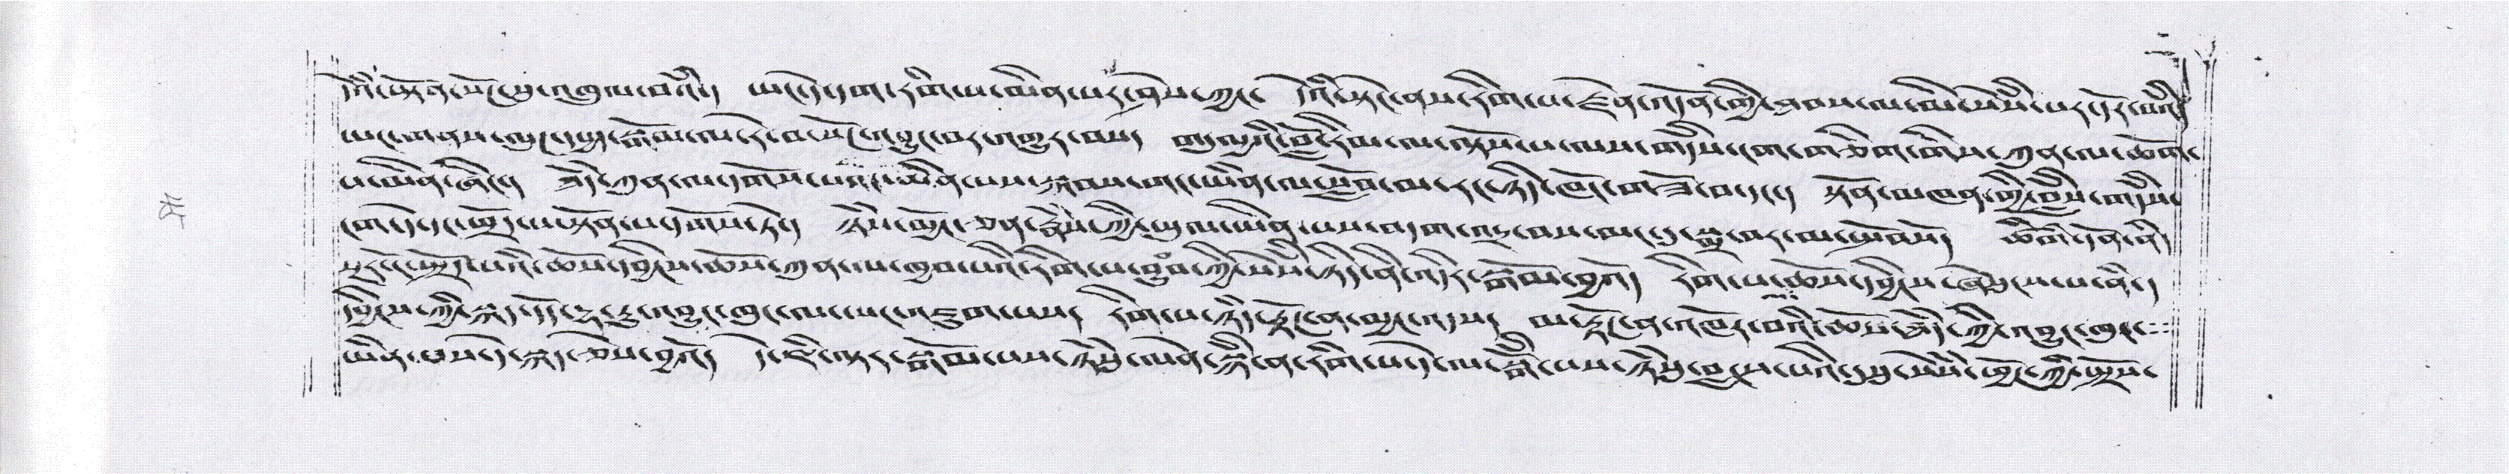དེའི་ཡོན་ཏན་སོགས་སུ་འཁྲུལ་པའམ། ཡང་དེ་དག་རིག་པ་མིན་པར་ཤེས་ཀྱང་དེའི་སྟེང་ནས་རིག་པ་རྗེན་འདོན་གྱི་ཐབས་ལ་མི་སེམས་པར་དོར་བའི་
ཡང་གནས་ལུགས་དཔྱད་སྒོམ་ལ་རེ་བ་སོགས་འབྱུང་བར་འགྱུར་བས། གདུལ་བྱའི་བློ་རིམ་ལ་ལྟོས་པ་ལས། གདམས་ངག་གཅིག་གིས་ཀུན་ལ་ཆོག་
པ་མིན་ཞིང་། ཐམས་ཅད་ཀུན་ལ་དགོས་པའང་མིན་ཞིང་སྐབས་གང་ཡིན་ལ་སློབ་མ་རང་ཉིད་ཁོང་བཟོ་བ་དང་། སྟོན་མཁན་གྱི་བླ་མས་གདམས་
ངག་དེ་དང་སྤྲོད་པ་སྟོན་པ་དགོས་ཏེ། ཉམས་མྱོང་ཅན་རྣམས་ཀྱི་ཡུལ་ཡིན་པས་བདག་འདྲ་བས་མང་དུ་སྨྲ་བར་མ་སྤོབས་སོ། ཚིག་གི་དོན་ནི་
སྔར་ངོ་སྤྲོད་པའི་ཆོས་དབྱིངས་ཆོས་ཀུན་ལ་ཁྱབ་པའི་རིག་པ་བྱང་ཆུབ་ཀྱི་སེམས་ཉིད་ནི་འདིར་བསྒོམ་བྱའོ། རིག་པ་ལ་ཆོས་དབྱིངས་ཞེས་གསུངས་པ་ནི། 
དབྱིངས་ཀྱི་སྐད་དོད་བརྡ་རུ་འབྱུངས་ཁུངས་ལའང་འཇུག་པས། རིག་པ་ཉིད་རྟོགས་ན་མྱང་འདས། མ་རྟོགས་ན་འཁོར་བའི་ཆོས་ཐམས་ཅད་ཀྱི་འབྱུང་ཁུངས་
ཡིན་པས་དེ་སྐད་ཅེས་བྱའོ། དེ་ཇི་ལྟར་བསྒོམ་པས་ཉམས་སུ་ལེན་སྙམ་ན་རིག་པ་དེ་ལ་བསྒོམས་པས་ཉམས་སུ་བླང་པའི་དུས་སུ་སེམས་ཕྱོགས་ཀྱི་སྤྲོས་